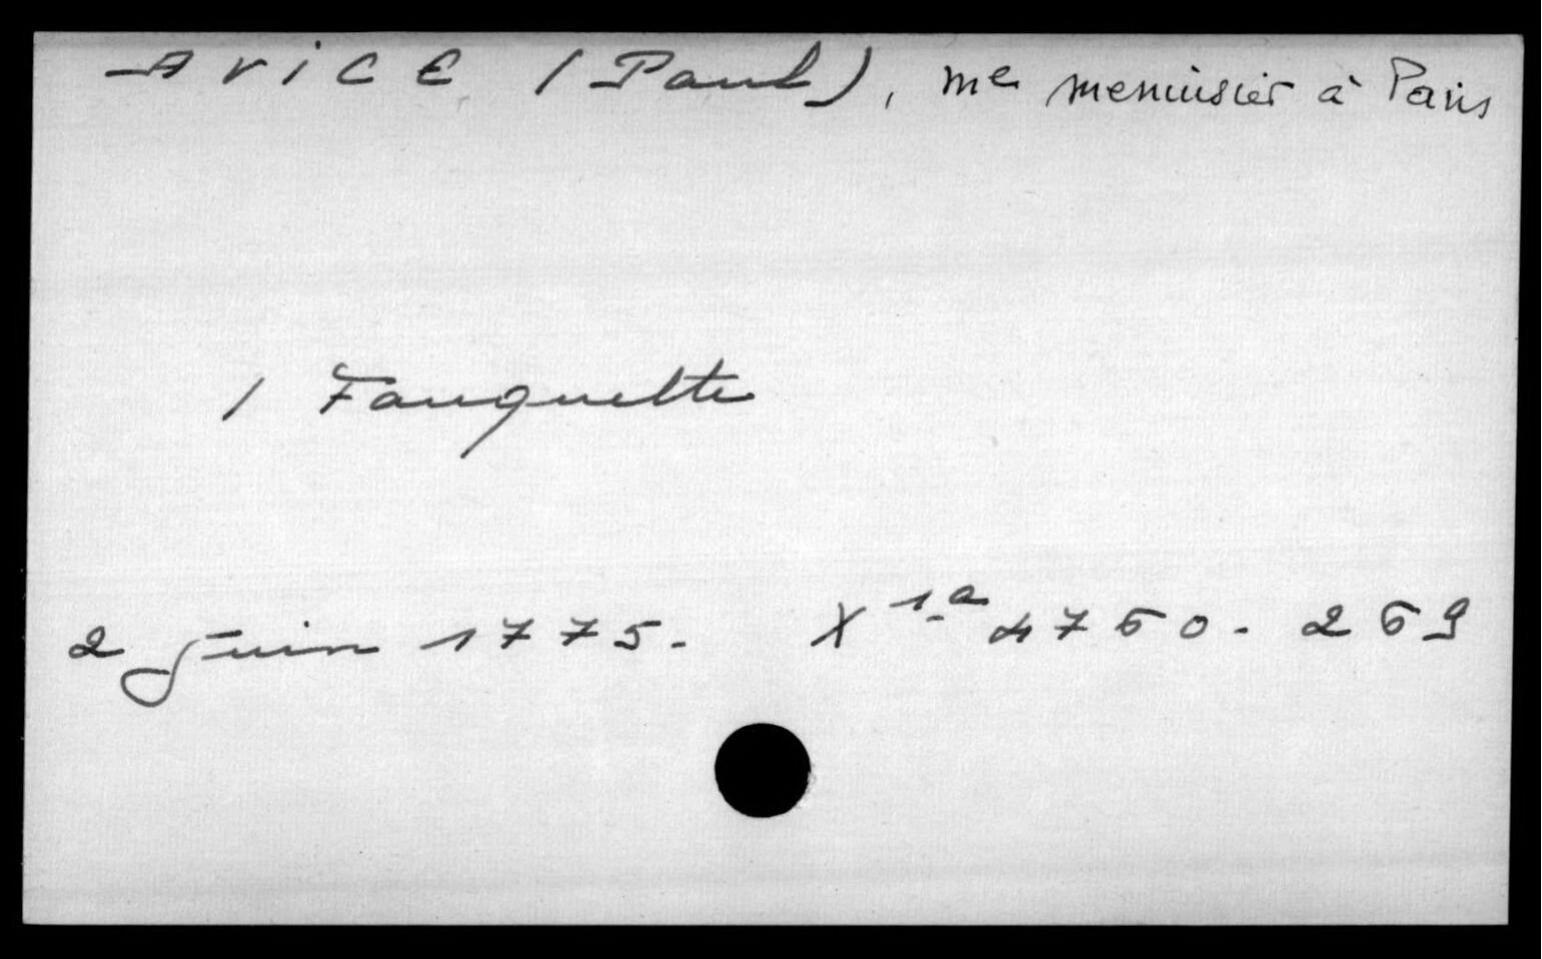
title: AVICE (Paul), maître menuisier à Paris
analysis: Contre Fauquette
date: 2 juin 1775
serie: X1a
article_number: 4760
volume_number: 269
